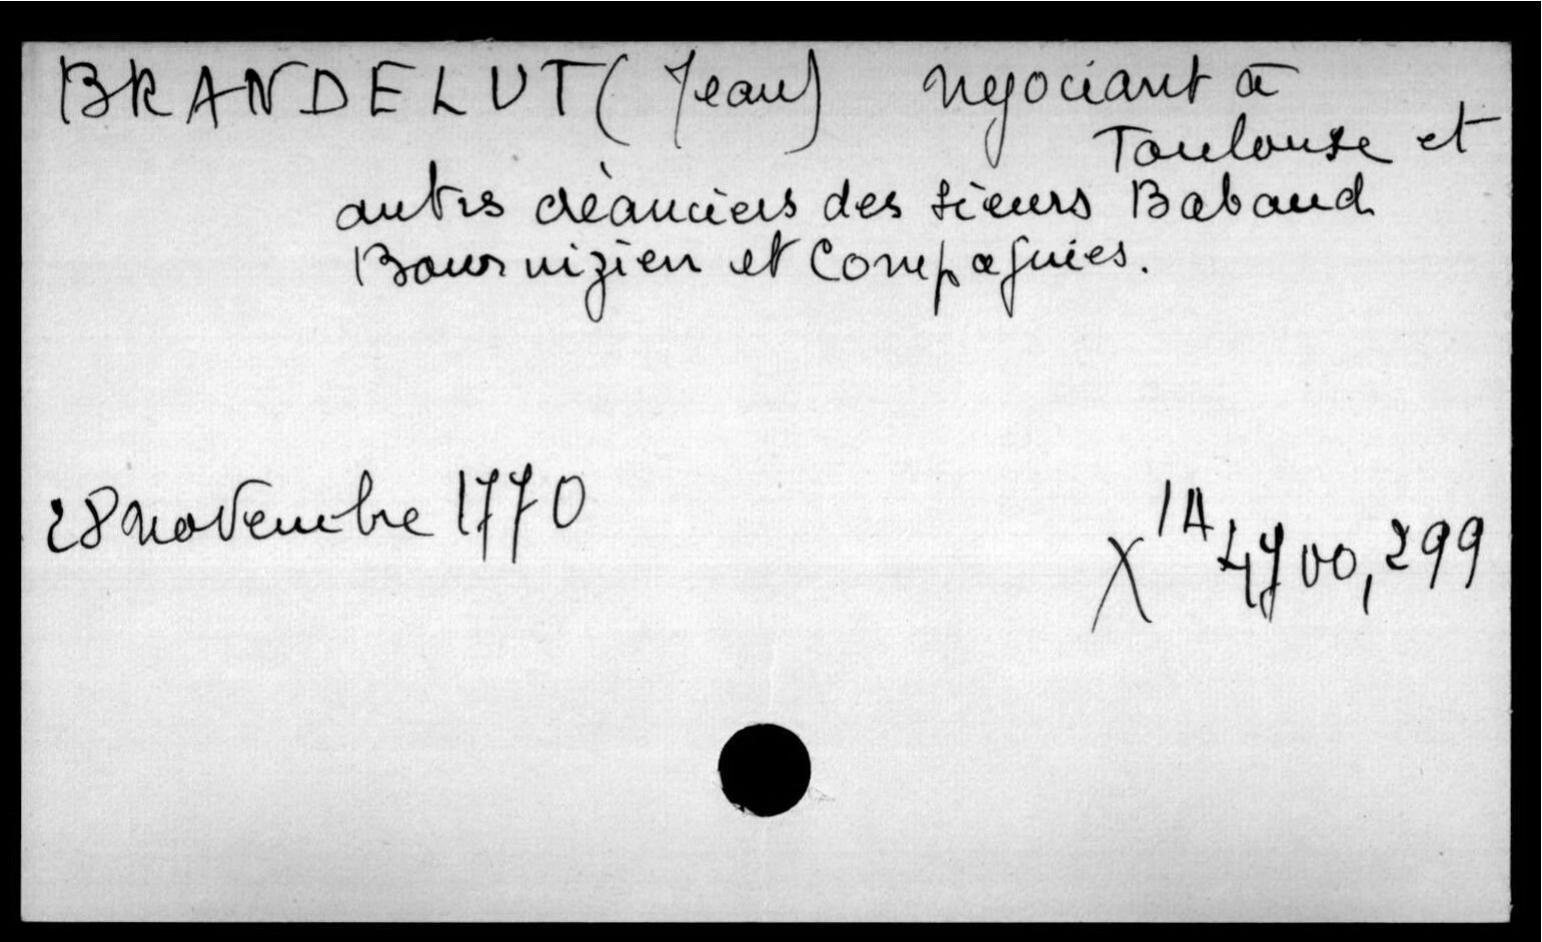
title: BRANDELUT (Jean) Négociant à Toulouse et autres créanciers des sieurs Babaud Bournizien et compagnies.
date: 28 novembre 1770
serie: X1A
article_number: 4700
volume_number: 299
